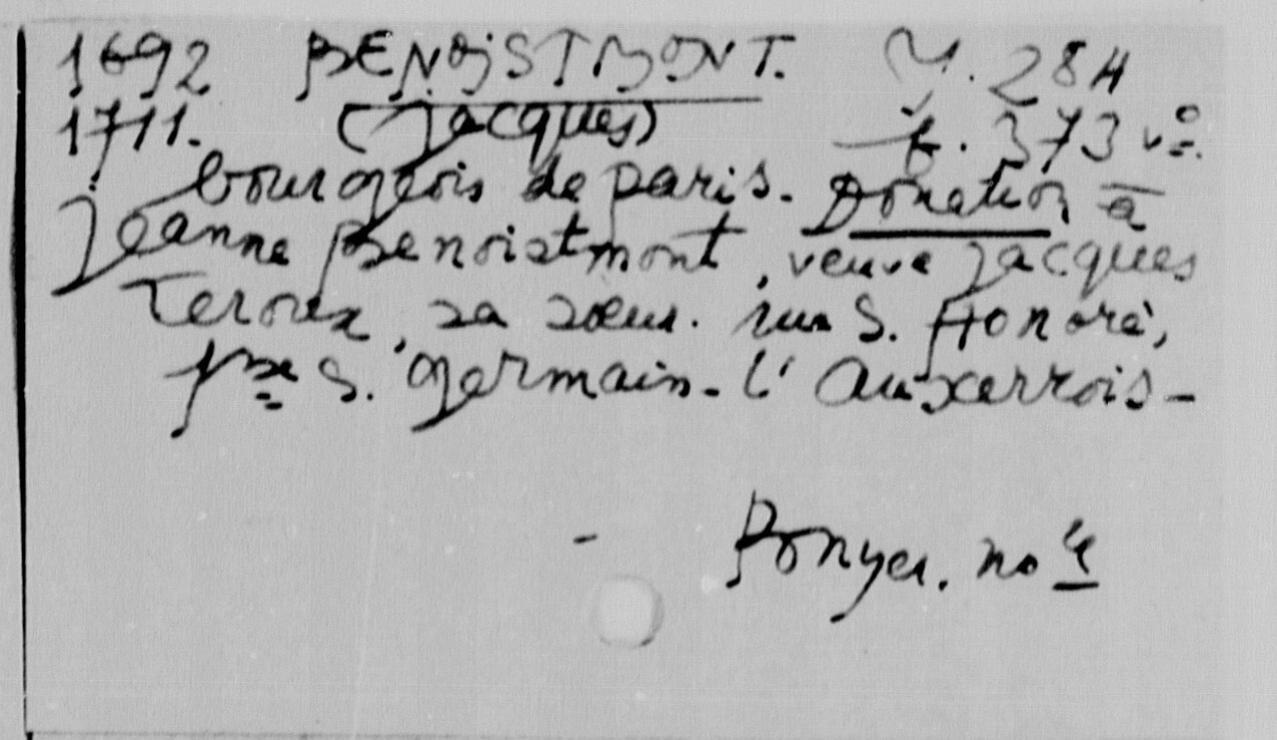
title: BENOISTMONT (Jacques)
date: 1692-1711
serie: Y
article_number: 284
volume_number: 383v
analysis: bourgeois de Paris, Donation à Jeanne Benoistmont, veuve Jacques Leroux, sa sœur, rue Saint Honoré, paroisse Saint-Germain-l'Auxerrois. Ponyer, notaire.
